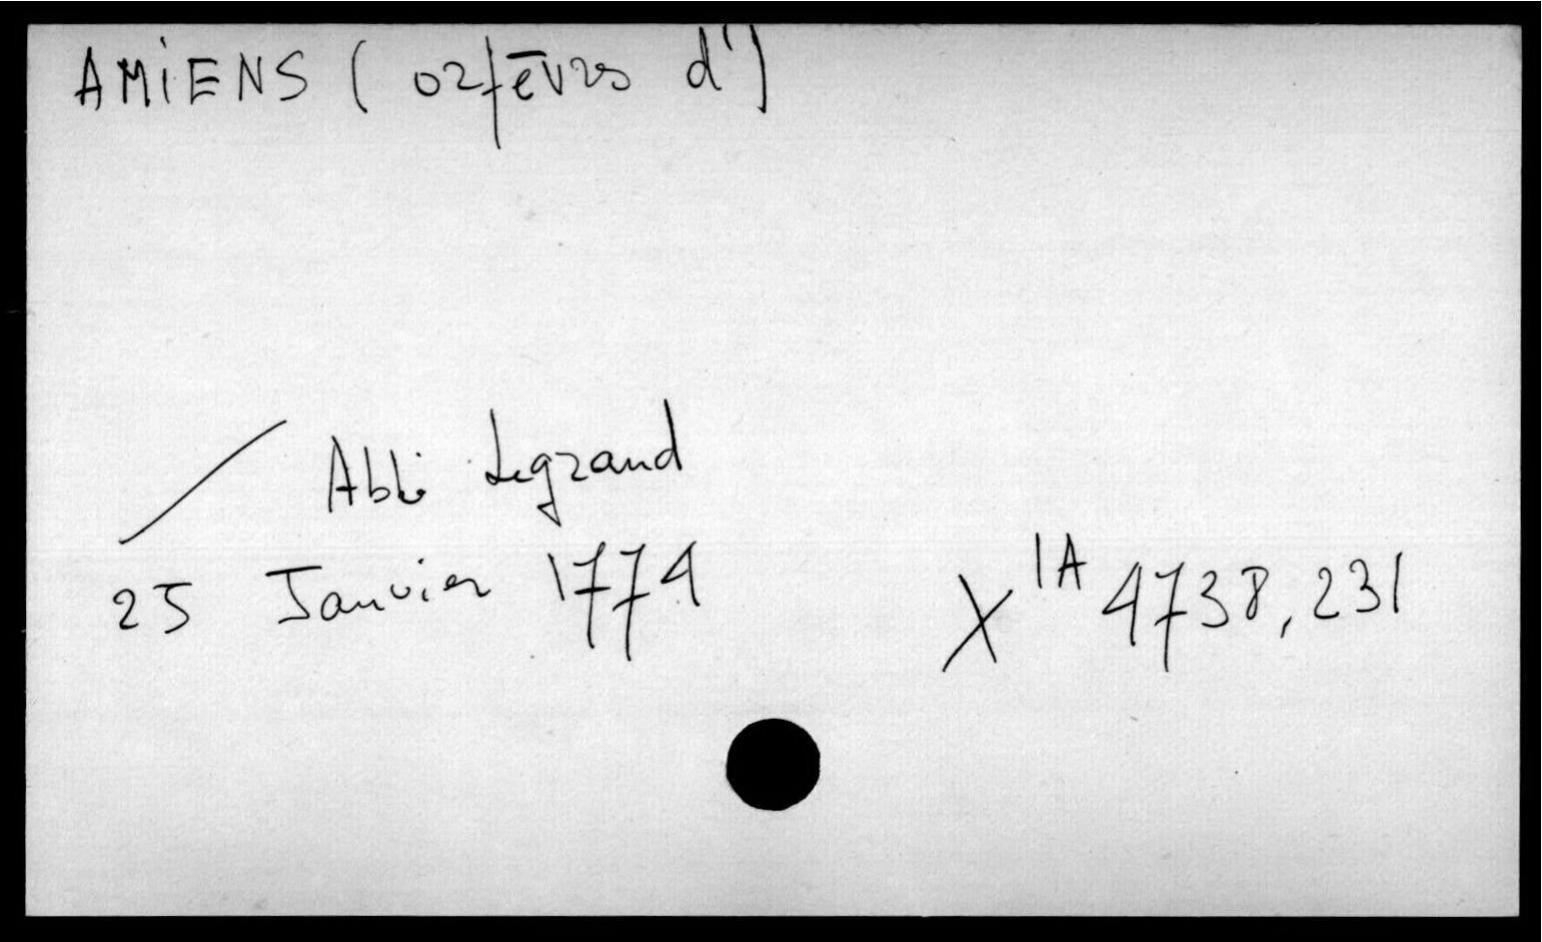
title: AMIENS (orfèvres d')
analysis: Contre Abbé Legrand
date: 25 janvier 1774
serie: X1A
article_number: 4738
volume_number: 231
